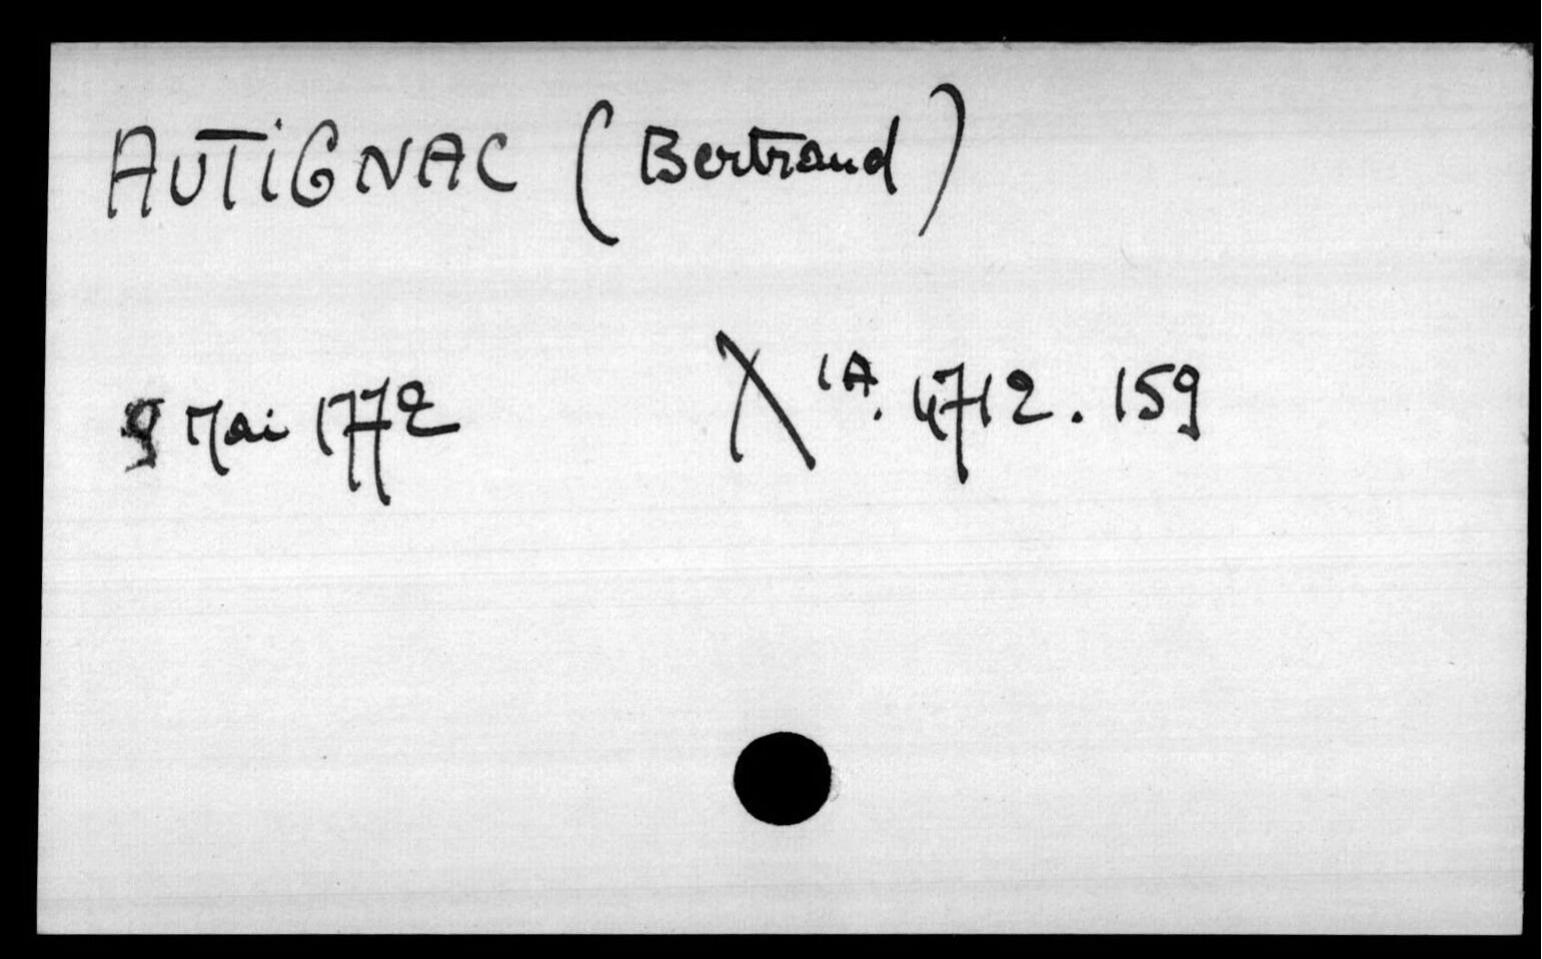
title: AUTIGNAC (Bertrand)
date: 9 mai 1772
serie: X1A
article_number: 4712
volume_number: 159
